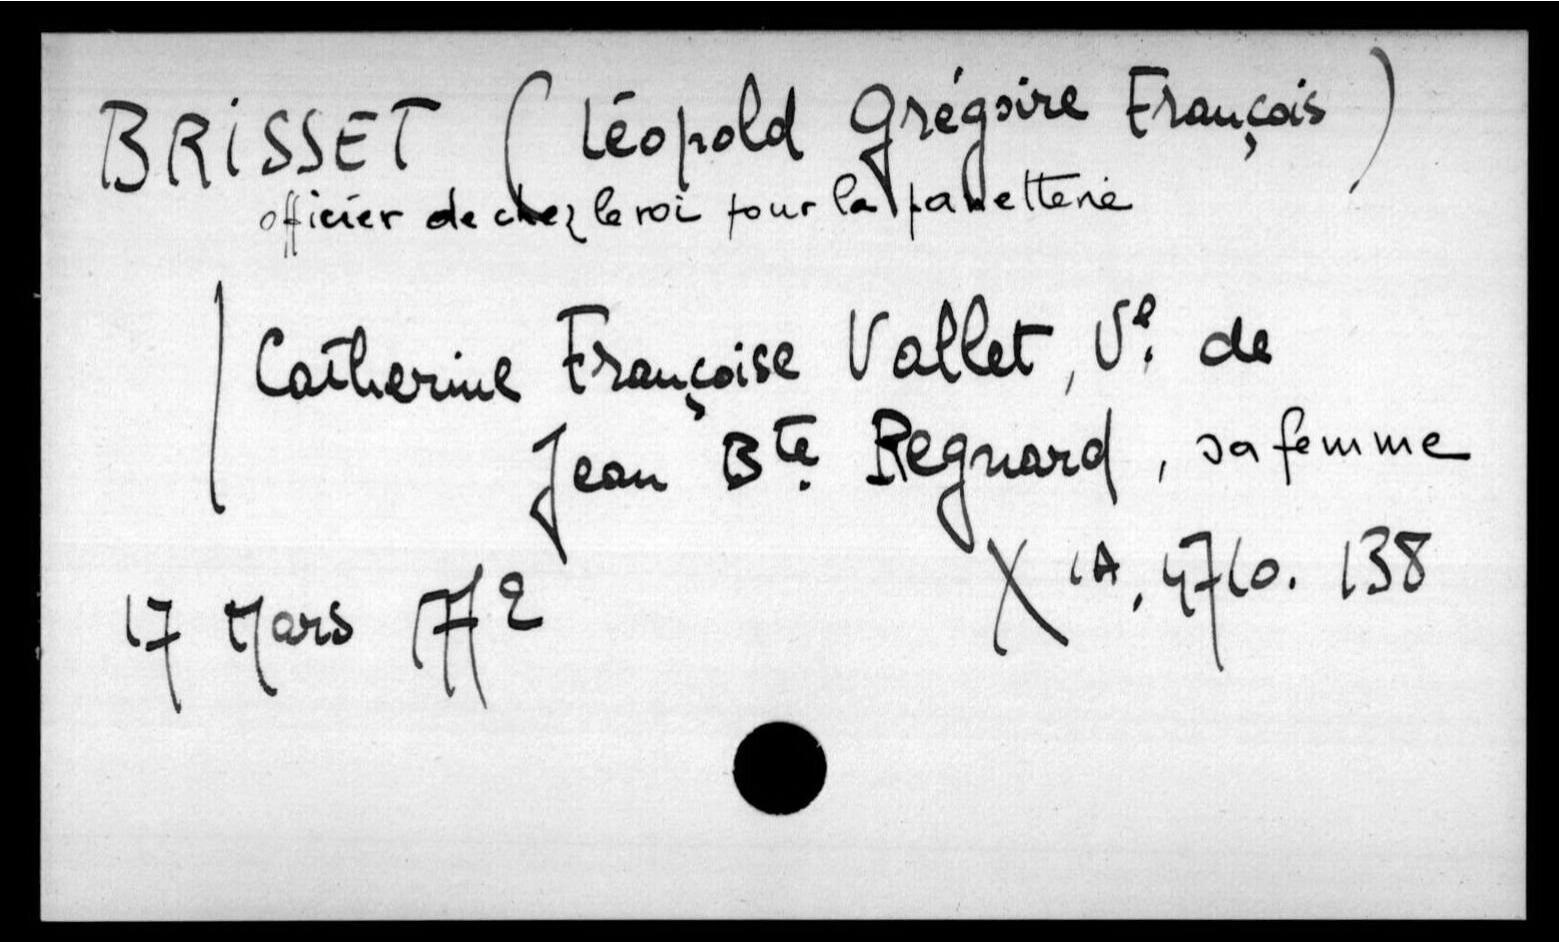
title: BRISSET (Léopold Grègoire François) officier de Chez le roi pour la panetterie
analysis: Contre Catherine Françoise Vallet, veuve de Jean Baptiste Regnard, sa femme
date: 17 mars 1772
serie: X1A
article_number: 4710
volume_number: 138
